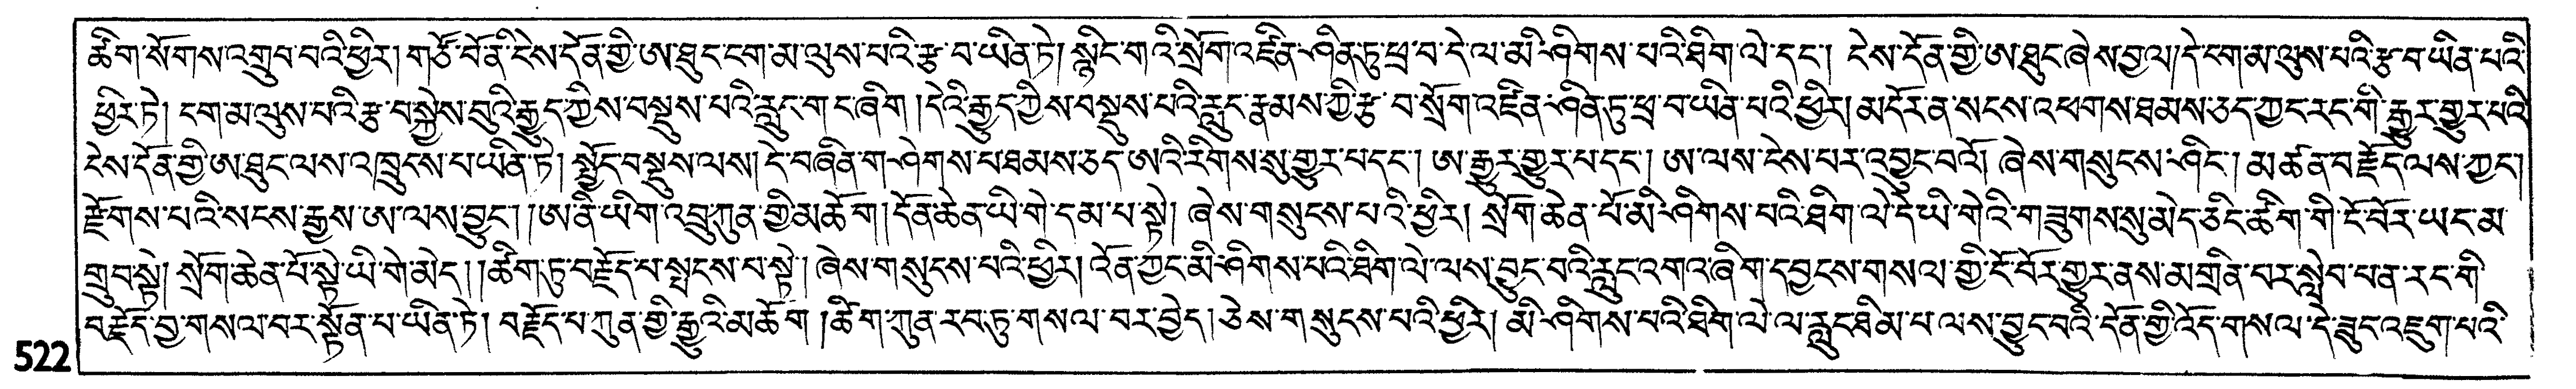ཚིག་སོགས་འགྲུབ་པའི་ཕྱིར། གཙོ་བོ་ནི་ངེས་དོན་གྱི་ཨ་ཐུང་ངག་མ་ལུས་པའི་རྩ་བ་ཡིན་ཏེ། སྙིང་གའི་སྲོག་འཛིན་ཤིན་ཏུ་ཕྲ་བ་དེ་ལ་མི་ཤིགས་པའི་ཐིག་ལེ་དང་། ངེས་དོན་གྱི་ཨ་ཐུང་ཞེས་བྱ་ལ། དེ་ངག་མ་ལུས་པའི་རྩ་བ་ཡིན་པའི་
ཕྱིར་ཏེ། ངག་མ་ལུས་པའི་རྩ་བ་སྐྱེས་བུའི་རྒྱུད་ཀྱིས་བསྡུས་པའི་རླུང་གང་ཞིག །དེའི་རྒྱུད་ཀྱིས་བསྡུས་པའི་རླུང་རྣམས་ཀྱི་རྩ་བ་སྲོག་འཛིན་ཤིན་ཏུ་ཕྲ་བ་ཡིན་པའི་ཕྱིར། མདོར་ན་སངས་འཕགས་ཐམས་ཅད་ཀྱང་རང་གི་རྒྱུར་གྱུར་པའི་
ངེས་དོན་གྱི་ཨ་ཐུང་ལས་འཁྲུངས་པ་ཡིན་ཏེ། སྤྱོད་བསྡུས་ལས། དེ་བཞིན་གཤེགས་པ་ཐམས་ཅད་ཨཱི་རིགས་སུ་གྱུར་པ་དང་། ཨ་རྒྱུར་གྱུར་པ་དང་། ཨ་ལས་ངེས་པར་འབྱུང་བའོ། ཞེས་གསུངས་ཤིང་། མཚན་བརྗོད་ལས་ཀྱང་།
རྫོགས་པའི་སངས་རྒྱས་ཨ་ལས་བྱུང་། །ཨ་ནི་ཡིག་འབྲུ་ཀུན་གྱི་མཆོག །དོན་ཆེན་ཡི་གེ་དམ་པ་སྟེ། ཞེས་གསུངས་པའི་ཕྱིར། སྲོག་ཆེན་པོ་མི་ཤིགས་པའི་ཐིག་ལེ་དེ་ཡི་གེའི་གཟུགས་སུ་མེད་ཅིང་ཚིག་གི་ངོ་བོར་ཡང་མ་
གྲུབ་སྟེ། སྲོག་ཆེན་པོ་སྟེ་ཡི་གེ་མེད། །ཚིག་ཏུ་བརྗོད་པ་སྤངས་པ་སྟེ། ཞེས་གསུངས་པའི་ཕྱིར། འོན་ཀྱང་མི་ཤིགས་པའི་ཐིག་ལེ་ལས་བྱུང་བའི་རླུང་འགའ་ཞིག་དབྱངས་གསལ་གྱི་ངོ་བོར་གྱུར་ནས་མགྲིན་པར་སླེབ་པ་ན་རང་གི་
བརྗོད་བྱ་གསལ་བར་སྟོན་པ་ཡིན་ཏེ། བརྗོད་པ་ཀུན་གྱི་རྒྱུའི་མཆོག །ཚིག་ཀུན་རབ་ཏུ་གསལ་བར་བྱེད། ཅེས་གསུངས་པའི་ཕྱིར། མི་ཤིགས་པའི་ཐིག་ལེ་ལ་རླུང་ཐིམ་པ་ལས་བྱུང་བའི་དོན་གྱི་འོད་གསལ་དེ་ཟུང་འཇུག་པའི་